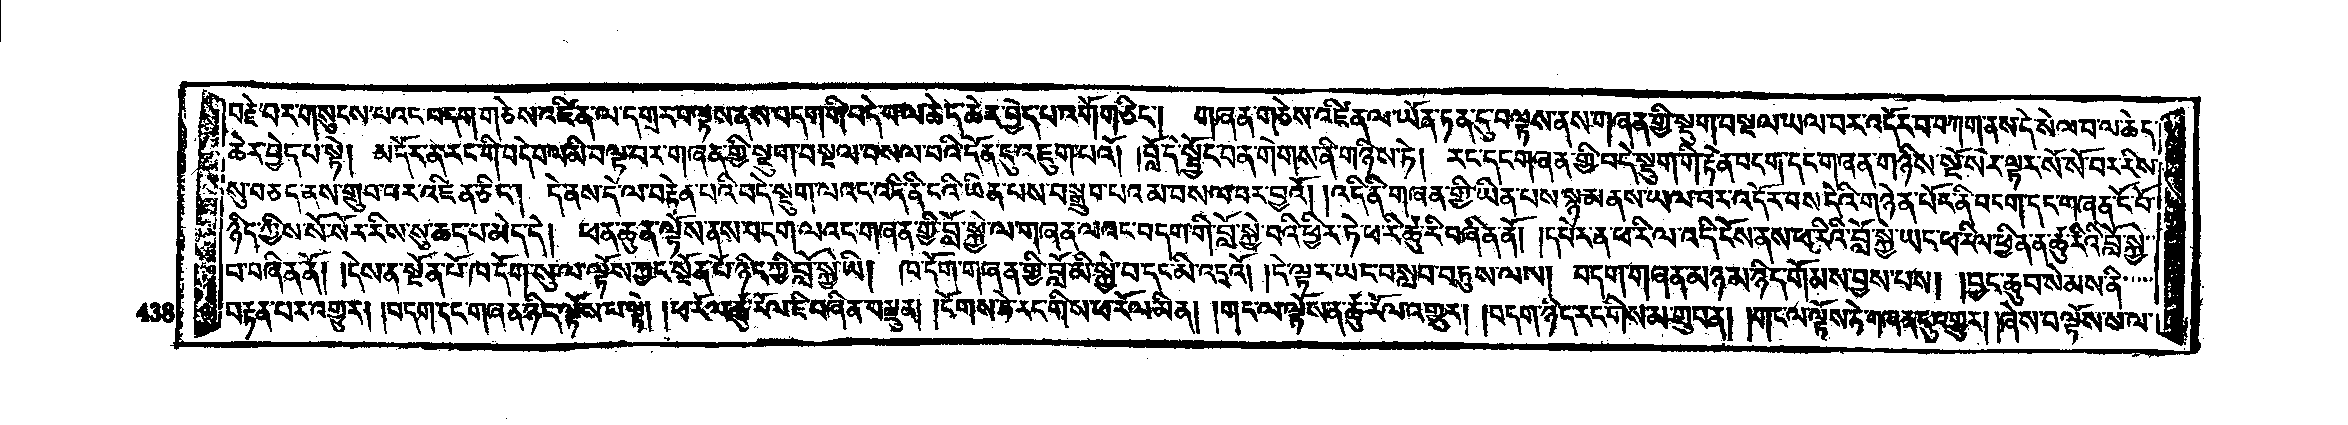བརྗེ་བར་གསུངས་པའང་བདག་གཅེས་འཛིན་ལ་དགྲར་བལྟས་ནས་བདག་གི་བདེ་བ་ལ་ཆེད་ཆེར་བྱེད་པ་འགོག་ཅིང་། གཞན་གཅེས་འཛིན་ལ་ཡོན་ཏན་དུ་བལྟས་ནས་གཞན་གྱི་སྡུག་བསྔལ་ཡལ་བར་འདོར་བ་བཀག་ནས་དེ་སེལ་བ་ལ་ཆེད་
ཆེར་བྱེད་པ་སྟེ། མདོར་ན་རང་གི་བདེ་བ་ལ་མི་བལྟ་བར་གཞན་གྱི་སྡུག་བསྔལ་བསལ་བའི་དོན་དུ་འཇུག་པའོ། །བློ་དེ་སྦྱོང་བ་ན་གེགས་ནི་གཉིས་ཏེ། རང་དང་གཞན་གྱི་བདེ་སྡུག་གི་རྟེན་བདག་དང་གཞན་གཉིས་སྔོ་སེར་ལྟར་སོ་སོ་བར་རིས་
སུ་བཅད་ནས་གྲུབ་པར་འཛིན་ཅིང་། དེ་ནས་དེ་ལ་བརྟེན་པའི་བདེ་སྡུག་ལའང་འདི་ནི་ངའི་ཡིན་པས་བསྒྲུབ་པའམ་བསལ་བར་བྱའོ། །འདི་ནི་གཞན་གྱི་ཡིན་པས་སྙམ་ནས་ཡལ་བར་འདོར་བས་དེའི་གཉེན་པོར་ནི་བདག་དང་གཞན་ངོ་བོ་
ཉིད་ཀྱིས་སོ་སོར་རིས་སུ་ཆད་པ་མེད་དེ། ཕན་ཚུན་ལྟོས་ནས་བདག་ལའང་གཞན་གྱི་བློ་སྐྱེ་ལ་གཞན་ལའང་བདག་གི་བློ་སྐྱེ་བའི་ཕྱིར་ཏེ་ཕ་རི་ཚུ་རི་བཞིན་ནོ། །དཔེར་ན་ཕ་རི་ལ་འདི་ངོས་ནས་ཕ་རིའི་བློ་སྐྱེ་ཡང་ཕ་རིར་ཕྱིན་ན་ཚུ་རིའི་བློ་སྐྱེ་
བ་བཞིན་ནོ། །དེས་ན་སྔོན་པོ་ཁ་དོག་སུ་ལ་ལྟོས་ཀྱང་སྔོན་པོ་ཉིད་ཀྱི་བློ་སྐྱེ་ཡི། ཁ་དོག་གཞན་གྱི་བློ་མི་སྐྱེ་བ་དང་མི་འདྲའོ། །དེ་ལྟར་ཡང་བསླབ་བཏུས་ལས། བདག་གཞན་མཉམ་ཉིད་གོམས་བྱས་པས། །བྱང་ཆུབ་སེམས་ནི་
བརྟན་པར་འགྱུར། །བདག་དང་གཞན་ཉིད་ལྟོས་པ་སྟེ། །ཕ་རོལ་ཚུ་རོལ་ཇི་བཞིན་བརྫུན། །ངོགས་ཏེ་རང་གིས་ཕ་རོལ་མིན། །གང་ལ་ལྟོས་ན་ཚུ་རོལ་འགྱུར། །བདག་ཉིད་རང་གིས་མ་གྲུབ་ན། །གང་ལ་ལྟོས་ཏེ་གཞན་དུ་འགྱུར། །ཞེས་བལྟོས་ས་ལ་